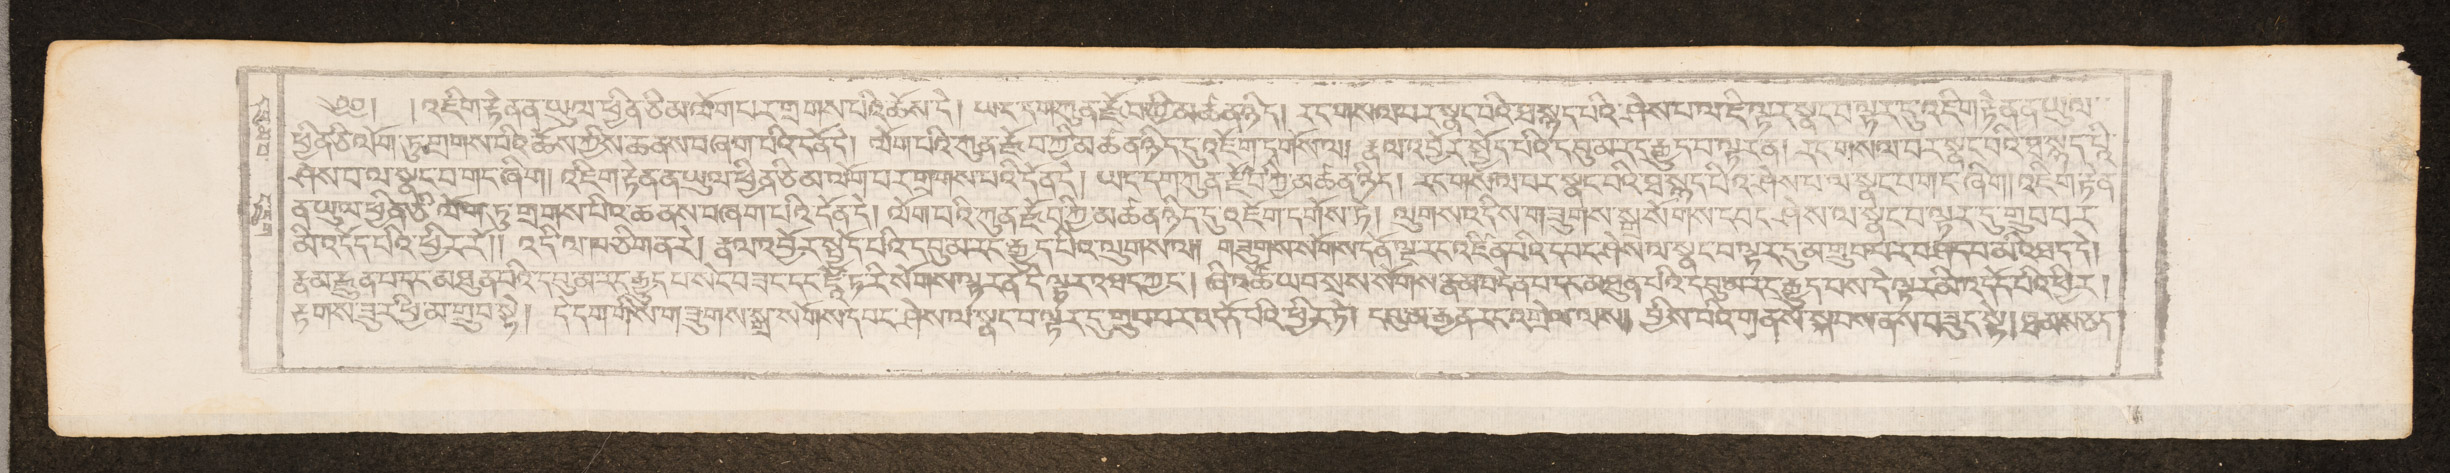༄༅། །འཇིག་རྟེན་ན་ཡུལ་ཕྱིན་ཅི་མ་ལོག་པར་གྲགས་པའི་ཆོས་དེ། ཡང་དག་ཀུན་རྫོབ་ཀྱི་མཚན་ཉིད། རང་གསལ་བར་སྣང་བའི་ཐ་སྙད་པའི་ཤེས་པ་ལ་ཇི་ལྟར་སྣང་བ་ལྟར་དུ་འཇིག་རྟེན་ན་ཡུལ་
ཕྱིན་ཅི་ལོག་ཏུ་གྲགས་པའི་ཆོས་ཀྱིས་ཆ་ནས་བཞག་པའི་དོན་དེ། ལོག་པའི་ཀུན་རྫོབ་ཀྱི་མཚན་ཉིད་དུ་འཇོག་དགོས་ལ། རྣལ་འབྱོར་སྤྱོད་པའི་དབུ་མ་རང་རྒྱུད་པ་ལྟར་ན། རང་གསལ་བར་སྣང་བའི་ཐ་སྙད་པཱི་
ཤེས་པ་ལ་སྣང་བ་གང་ཞིག། འཇིག་རྟེན་ན་ཡུལ་ཕྱིན་ཅི་མ་ལོག་པར་གྲགས་པའི་དོན་དེ། ཡང་དག་ཀུན་རྫོབ་ཀྱི་མཚན་ཉིད། རང་གསལ་བར་སྣང་བའི་ཐ་སྙད་པིའ་ཤེས་པ་ལ་སྣང་བ་གང་ཞིག། འཇིག་རྟེན་
ན་ཡུལ་ཕྱིན་ཅི་ལོག་ཏུ་གྲགས་པའི་ཆ་ནས་བཞག་པའི་དོན་དེ། ལོག་པའི་ཀུན་རྫོབ་ཀྱི་མཚན་ཉིད་དུ་འཇོག་དགོས་ཏེ། ལུགས་འདིས་གཟུགས་སྒྲ་སོགས་དབང་ཤེས་ལ་སྣང་བ་ལྟར་དུ་གྲུབ་པར་
མི་འདོད་པའི་ཕྱིར་རོ།། འདི་ལ་ཁ་ཅིག་ན་རེ། རྣལ་འབྱོར་སྤྱོད་པའི་དབུ་མ་རང་རྒྱུད་པའི་ལུགས་ལ། གཟུགས་སོགས་དོན་ལྔ་རང་འཛིན་པའི་དབང་ཤེས་ལ་སྣང་བ་ལྟར་དུ་མ་གྲུབ་པར་བཤད་པ་མི་འཐད་དེ།
རྣམ་རྫུན་པ་དང་མཐུན་པའི་དབུ་མ་རང་རྒྱུད་པ་སེང་བཟང་དང་རྫེའ་ཏ་རི་སོགས་ལྟར་ན་དེ་ལྟར་འཐད་ཀྱང་། ཞི་འཚོ་བ་སྲས་སོགས་རྣམས་བདེན་པ་དང་མཐུན་པའི་དབུ་མ་རང་རྒྱུད་པས་དེ་ལྟར་མི་འདོད་པའི་ཕྱིར།
རྟགས་ཟུར་ཕྱི་མ་གྲུབ་སྟེ། དེ་དག་གིས་གཟུགས་སྒྲ་སོགས་དབང་ཤེས་ལ་སྣང་བ་ལྟར་དུ་གྲུབ་པར་འདོད་པའི་ཕྱིར་ཏེ། དབུ་མ་རྒྱན་རང་འགྲེལ་ལས། བྱིས་པའི་གནས་སྐབས་ནས་བཟུང་སྟེ། ཐམས་ཅད་